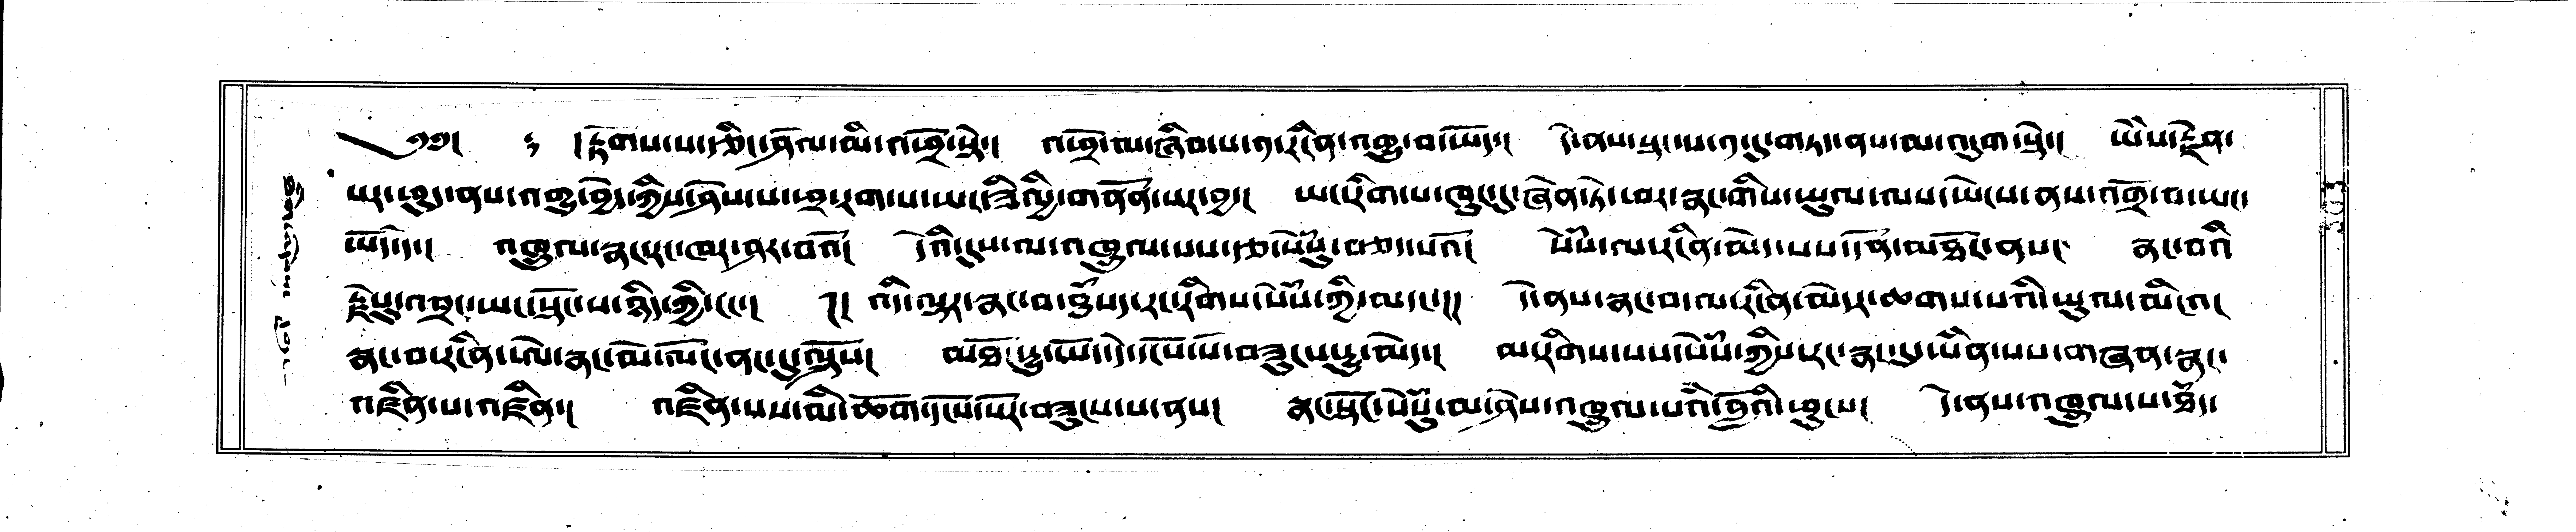རྟོག་པ་རྩིང་ཤོས་མི་འཕྲོ་སྟེ། འཕྲ་ཞིབ་པ་ཅིག་རང་བཞིན་འགྱུ་བ་ཡོད། དེ་ནས་སྟོང་པ་གཅིག་དུ་གཏད་ནས་མི་འདུག་སྟེ། ཡེ་ཤེས་རྗེན་
པར་ཕུད་ནས་འགྱུ་བྱེད་ཀྱིས་ཤེས་པ་ཕྲ་རག་པ་ཡང་ཟིལ་གྱི་གནོན་པར་བྱ། ཡང་རིག་པ་ཁོང་དུ་ཞེན་ཏེ་ཕར་སྣང་གིས་ཡུལ་ལས་ཡེངས་ན་འགྲོ་བ་ཡང་
ཡོད་སྟེ། འཁྲུལ་སྣང་རང་ཁར་ཤོར་བའོ། དེའི་དུས་ལ་འཁྲུལ་པའི་གཞི་རྩ་སེམས་སུ་བཅད་པའོ། སེམས་ལ་རང་བཞིན་མེད་པའི་དོན་མཐོང་ན། སྣང་བའི་
རྗེས་སུ་འབྲེང་ཡང་བྱང་ཆུབ་སེམས་ཀྱིས་ངང་། དེ་ལྟར་གྱིས་སྣང་བ་ཐམས་ཅད་རང་གིས་སེམས་ཀྱིས་གདང་། དེ་ནས་སྣང་བ་ལ་རང་བཞིན་མེད་པས་ཆགས་པའི་ཡུལ་ཡང་མི་མངའ། 
སྣང་བ་ལ་རང་བཞིན་ཨི་སྣང་མེ་ལོང་ནང་དུ་ལྟོས། མཐོང་རྒྱུ་ཡོད་དེ་དངོས་པོ་བཟུང་རྒྱུ་མེད། རང་རིག་སེམས་ཀྱིས་སྣང་བ་རང་སྣང་ཡིན་ཏེ་གཞན་སྣང་
དུ་འཛིན་པ་ཡིན། འཛིན་པས་མི་ཆོག་དངོས་པོར་བཟུང་པས་ན། སྣང་སྟོང་གཉིས་མེད་དུ་མ་ཤེས་འཁྲུལ་པ་བློའི་ཕུང་། དེ་ན་འཁྲུལ་པ་ཐམས་ཅད་